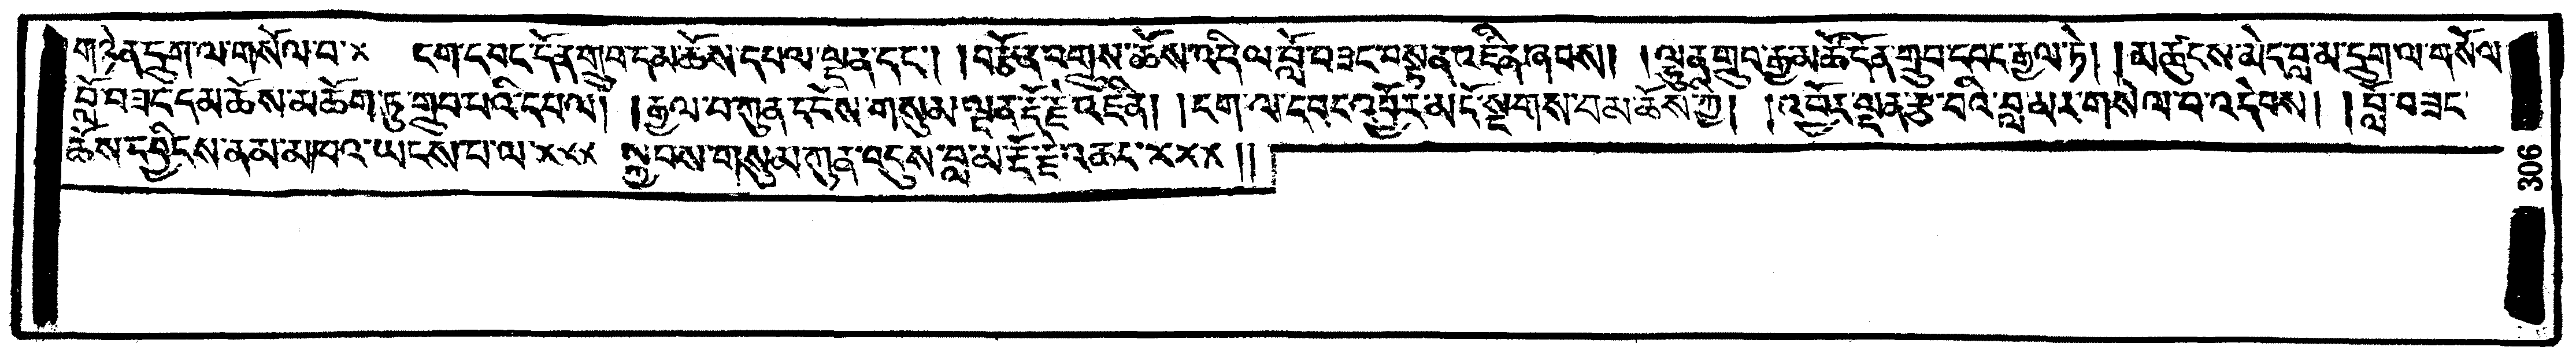གཉེན་དྲུག་ལ་གསོལ་བ་{྾}་ངག་དབང་དོན་གྲུབ་དམ་ཆོས་དཔལ་ལྡན་དང་། །བརྩོན་འགྲུས་ཆོས་འདི་ལ་བློ་བཟང་བསྟན་འཛིན་ཞབས། །ལྷུན་གྲུབ་རྒྱ་མཚོ་དོན་གྲུབ་དབང་རྒྱལ་ཏེ། །མཚུངས་མེད་བླ་མ་དྲུག་ལ་གསོལ་
བློ་བཟང་དམ་ཆོས་མཆོག་ཏུ་གྲུབ་པའི་དཔལ། །རྒྱལ་བ་ཀུན་དངོས་གསུམ་ལྡན་རྡོ་རྗེ་འཛིན། །ངག་ལ་དབང་འབྱོར་མདོ་སྔགས་བམ་ཆོས་ཀྱི། །འབྱོར་ལྡན་རྩ་བའི་བླ་མར་གསོལ་བ་འདེབས། །བློ་བཟང་
ཆོས་དབྱིངས་ནམ་མཁའ་ཡངས་པ་ལ་{྾}་{྾}་{྾}་སྐྱབས་གསུམ་ཀུན་འདུས་བླ་མ་རྡོ་རྗེ་འཆང་{྾}་{྾}་{྾}། །